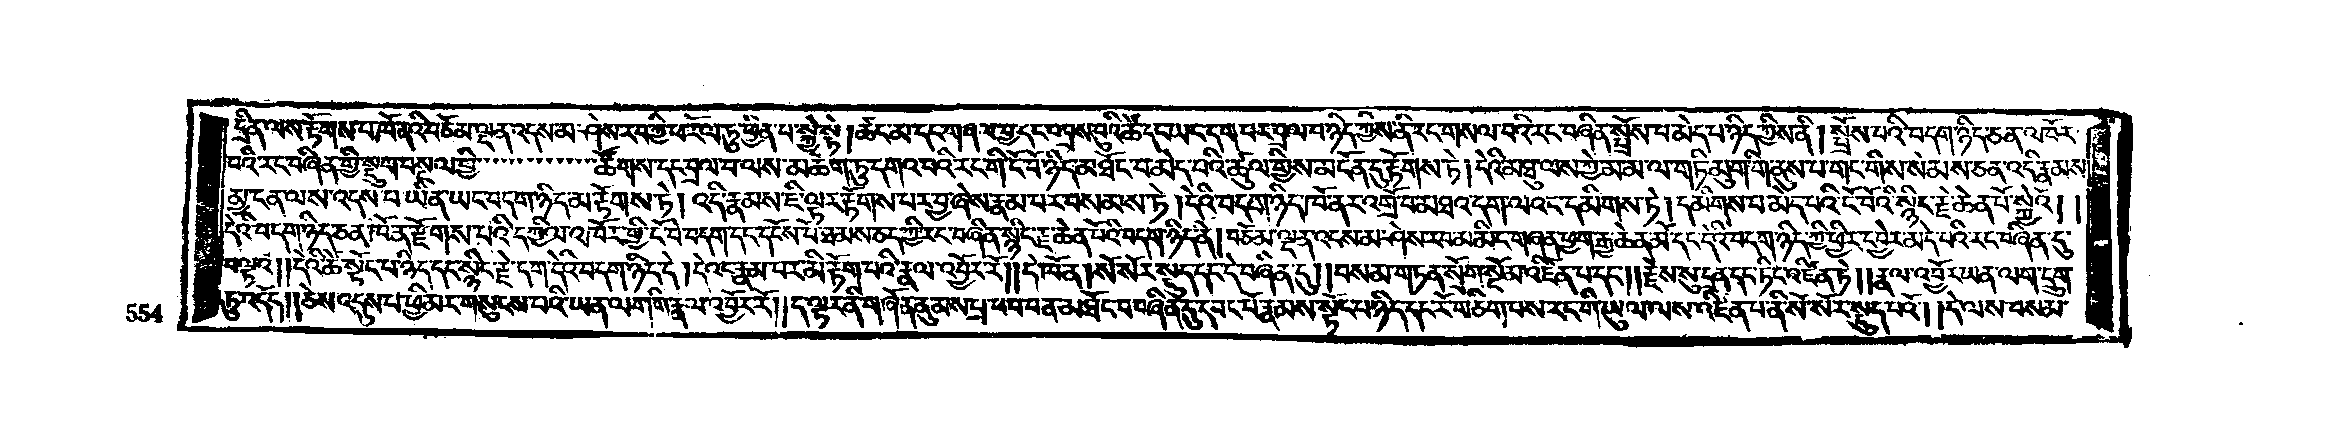དྲིན་ལས་རྟོགས་པ་ཁོ་ནའི་བཅོམ་ལྡན་འདས་མ་ཤེས་རབ་ཀྱི་ཕ་རོལ་ཏུ་ཕྱིན་པ་སྐྱེ་སྟེ། ཚང་མ་དང་གཞལ་བྱ་དང་འབྲས་བུའི་ཚེ་དང་ཡང་དག་པར་བྲལ་བ་ཉིད་ཀྱིས་ནི་རང་གསལ་བའི་རང་བཞིན་སྤྲོས་པ་མེད་པ་ཉིད་ཀྱིས་ནི། སྤྲོས་པའི་བདག་ཉིད་ཅན་འཁོར་
བའི་རང་བཞིན་གྱི་སྡུག་བསྔལ་གྱི་ཚོགས་དང་བྲལ་བ་ལས་མཆོག་ཏུ་དགའ་བའི་རང་གི་ངོ་བོ་ཉིད་མཐོང་བ་མེད་པའི་ཚུལ་གྱིས་མངོན་དུ་རྟོགས་ཏེ། དེའི་མཐུ་ལས་ཀྱེ་མ་མ་ལ་གཏི་མུག་གི་ནུས་པ་གང་གིས་སེམས་ཅན་འདི་རྣམས་
མྱ་ངན་ལས་འདས་པ་ཡིན་ཡང་བདག་ཉིད་མ་རྟོགས་ཏེ། འདི་རྣམས་ཇི་ལྟར་རྟོགས་པར་བྱ་ཞེས་རྣམ་པར་བསམས་ཏེ། དེའི་བདག་ཉིད་ཁོ་ནར་འགྲོ་བ་མཐའ་དག་ལའང་དམིགས་ཏེ། དམིགས་པ་མེད་པའི་ངོ་བོའི་སྙིང་རྗེ་ཆེན་པོ་སྐྱེའོ། །
དེའི་བདག་ཉིད་ཅན་ཁོ་ན་རྫོགས་པའི་དཀྱིལ་འཁོར་གྱི་ངོ་བོ་བདག་དང་དངོས་པོ་ཐམས་ཅད་ཀྱི་རང་བཞིན་སྙིང་རྗེ་ཆེན་པོའི་བདག་ཉིད་ནི། བཅོམ་ལྡན་འདས་མ་ཤེས་རབ་མ་མིང་གཞན་ཕྱག་རྒྱ་ཆེན་མོ་དང་དེའི་བདག་ཉིད་ཀྱི་ཕྱིར་དབྱེར་མེད་པའི་རང་བཞིན་དུ་
བལྟའོ། །དེའི་ཚེ་སྟོང་པ་ཉིད་དང་སྙིང་རྗེ་དག་དེའི་བདག་ཉིད་དེ། དེའང་རྣམ་པར་མི་རྟོག་པའི་རྣལ་འབྱོར་རོ། །དེ་ཁོ་ན། སོ་སོར་སྡུད་དང་དེ་བཞིན་དུ། །བསམ་གཏན་སྲོག་སྡོམ་འཛིན་པ་དང་། །རྗེས་སུ་དྲན་དང་ཏིང་འཛིན་ཏེ། །རྣལ་འབྱོར་ཡན་ལག་དྲུག་
ཏུ་འདོད། །ཅེས་འདུས་པ་ཕྱི་མར་གསུངས་པའི་ཡན་ལག་གི་རྣལ་འབྱོར་རོ། །དེ་ལྟར་ནི་གཞོན་ནུ་མས་ཕྲ་ཕབ་པན་མཐོང་བ་བཞིན་དུ་དབང་པོ་རྣམས་སྟོང་པ་ཉིད་དང་རོ་གཅིག་པས་རང་གི་ཡུལ་ལས་འཛིན་པ་ནི་སོ་སོར་སྡུད་པའོ། །དེ་ལས་བསམ་